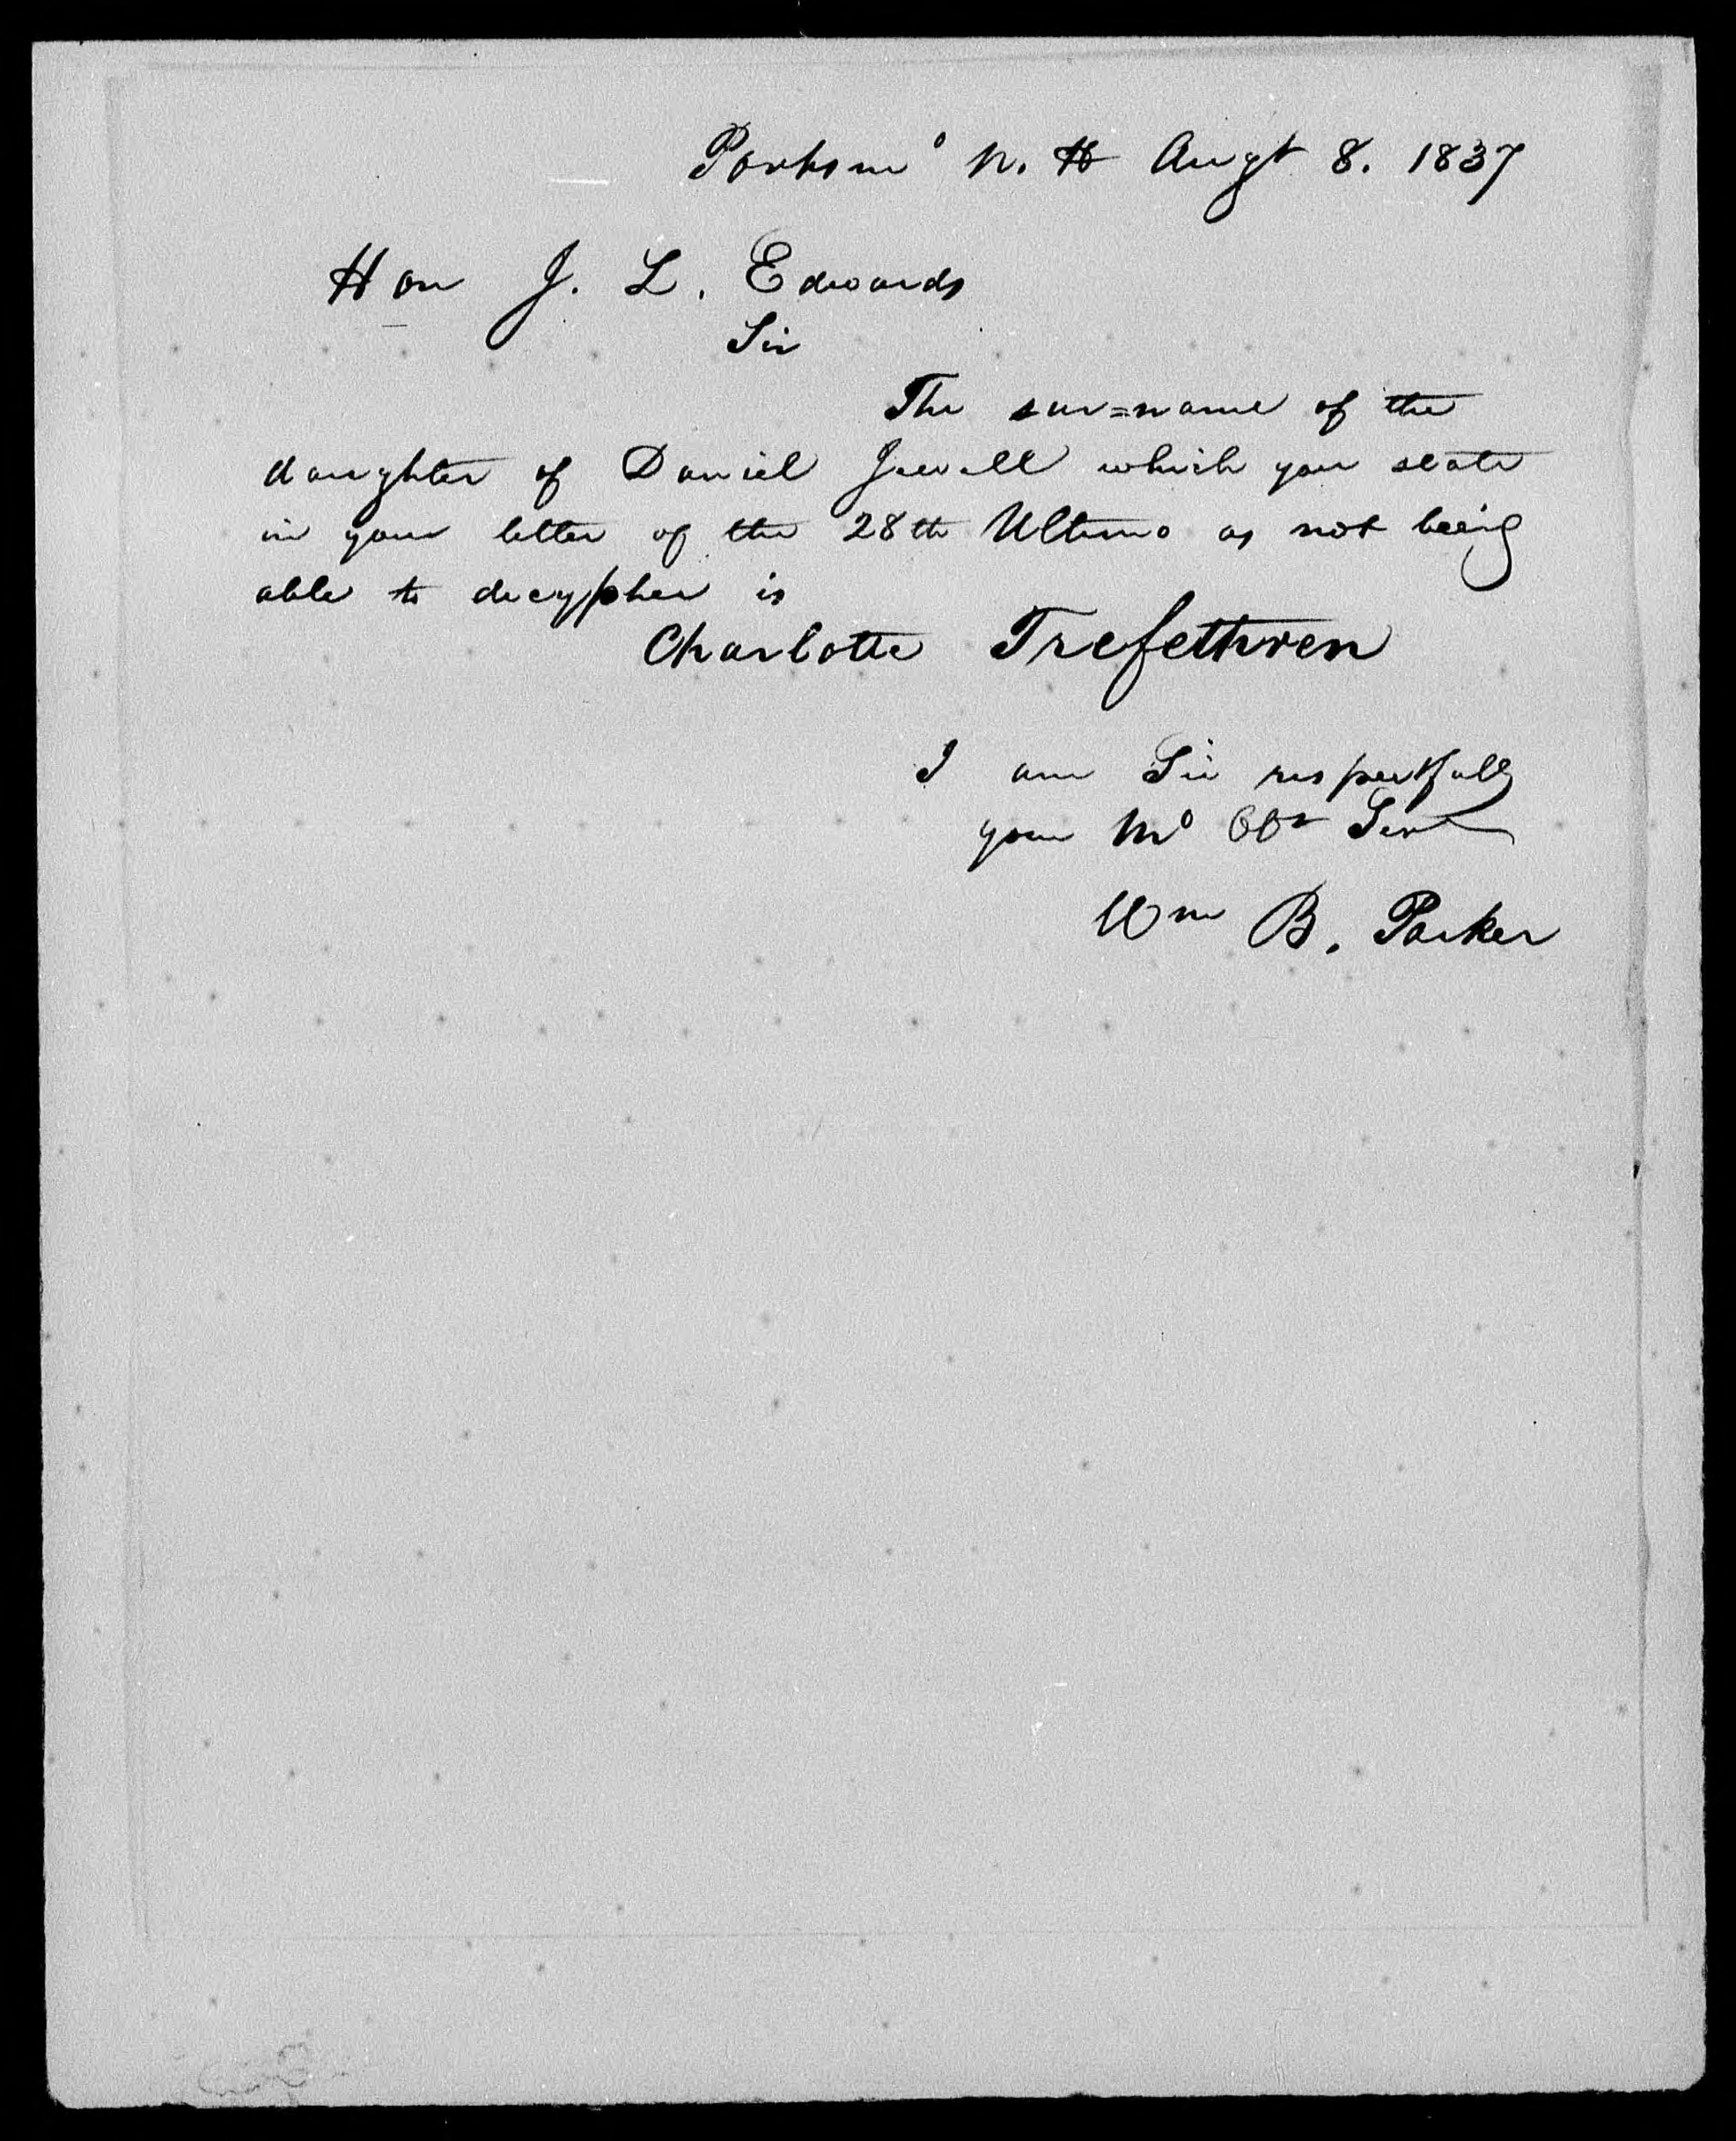Portsmouth N.H. Augt 8. 1837
Hon [HONORABLE] J. L. Edwards
Sir
The surname of the daughter of Daniel Jewell which you state in your letter of the 28th Ultimo [ultimo means last month] as not being
able to decipher is Charlotte Trefethren

I am respectfully your Mo Obt Servt [MOST OBEDIENT SERVANT]
Wm [WILLIAM]B. Parker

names: Charlotte Trefethren; Wm B Parker; J L Edwards; Daniel Jewell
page: 28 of 35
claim: survivor's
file: S. 10912, for Daniel Jewell, New Hampshire